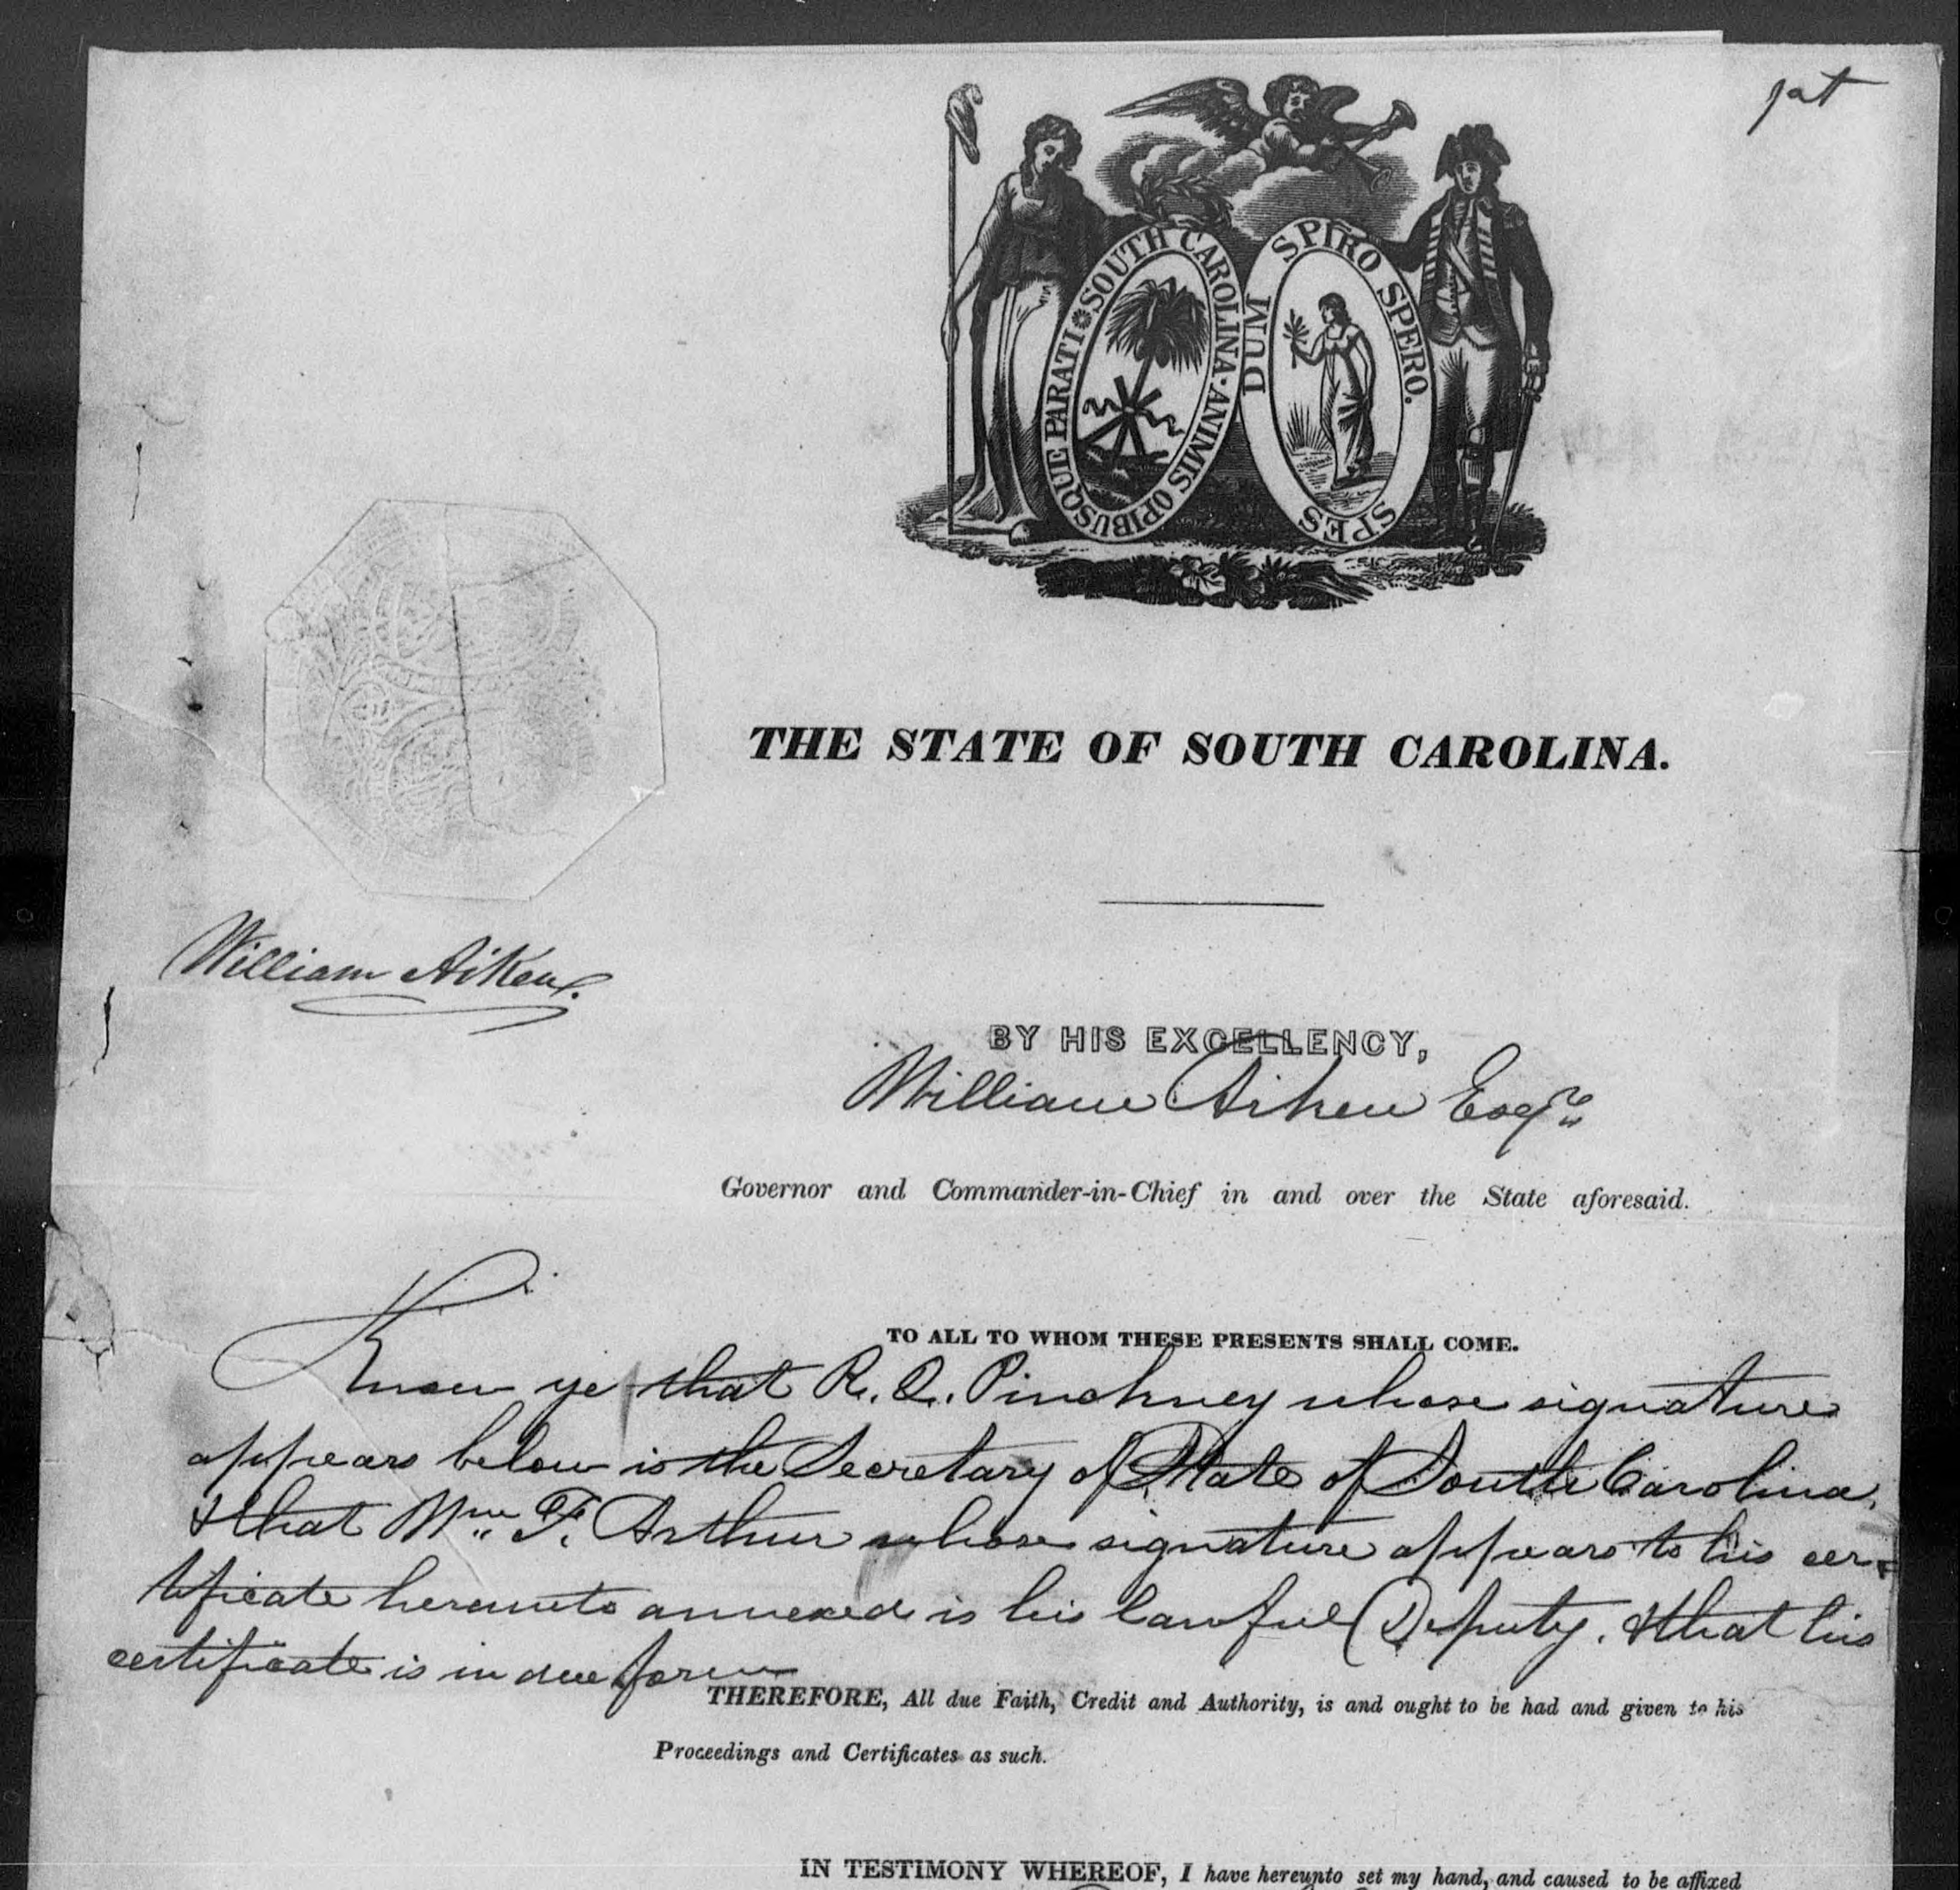[S. C. State Seal]
          _____
Document SEAL

William Aiken

THE STATE OF SOUTH CAROLINA.
BY HIS EXCELLENCY,
William Aiken Esqr
Governor and Commander-in-Chief in and over the State aforesaid.

TO ALL TO WHOM THESE PRESENTS SHALL COME.

Know ye that R. C. Pinchney whose signature
appears below is the Secretary of State of South Carolina,
& that Wm F. Arthur whose signature appears to his cer=
tificate hereunto annexed is his lawful Deputy, & that his
certificate is in due form THEREFORE, All due  Faith, Credit and Authority is and ought to be had and given to his
Proceedings and Certificates as such.
IN TESTIMONY WHEREOF, I have hereunto set my hand, and caused to be affixed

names: Wm F Arthur, William Aiken, R Q Pinchney, William Aiken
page: 52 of 91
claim: widow's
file: W. 10576, Francis Carlisle, S.C.